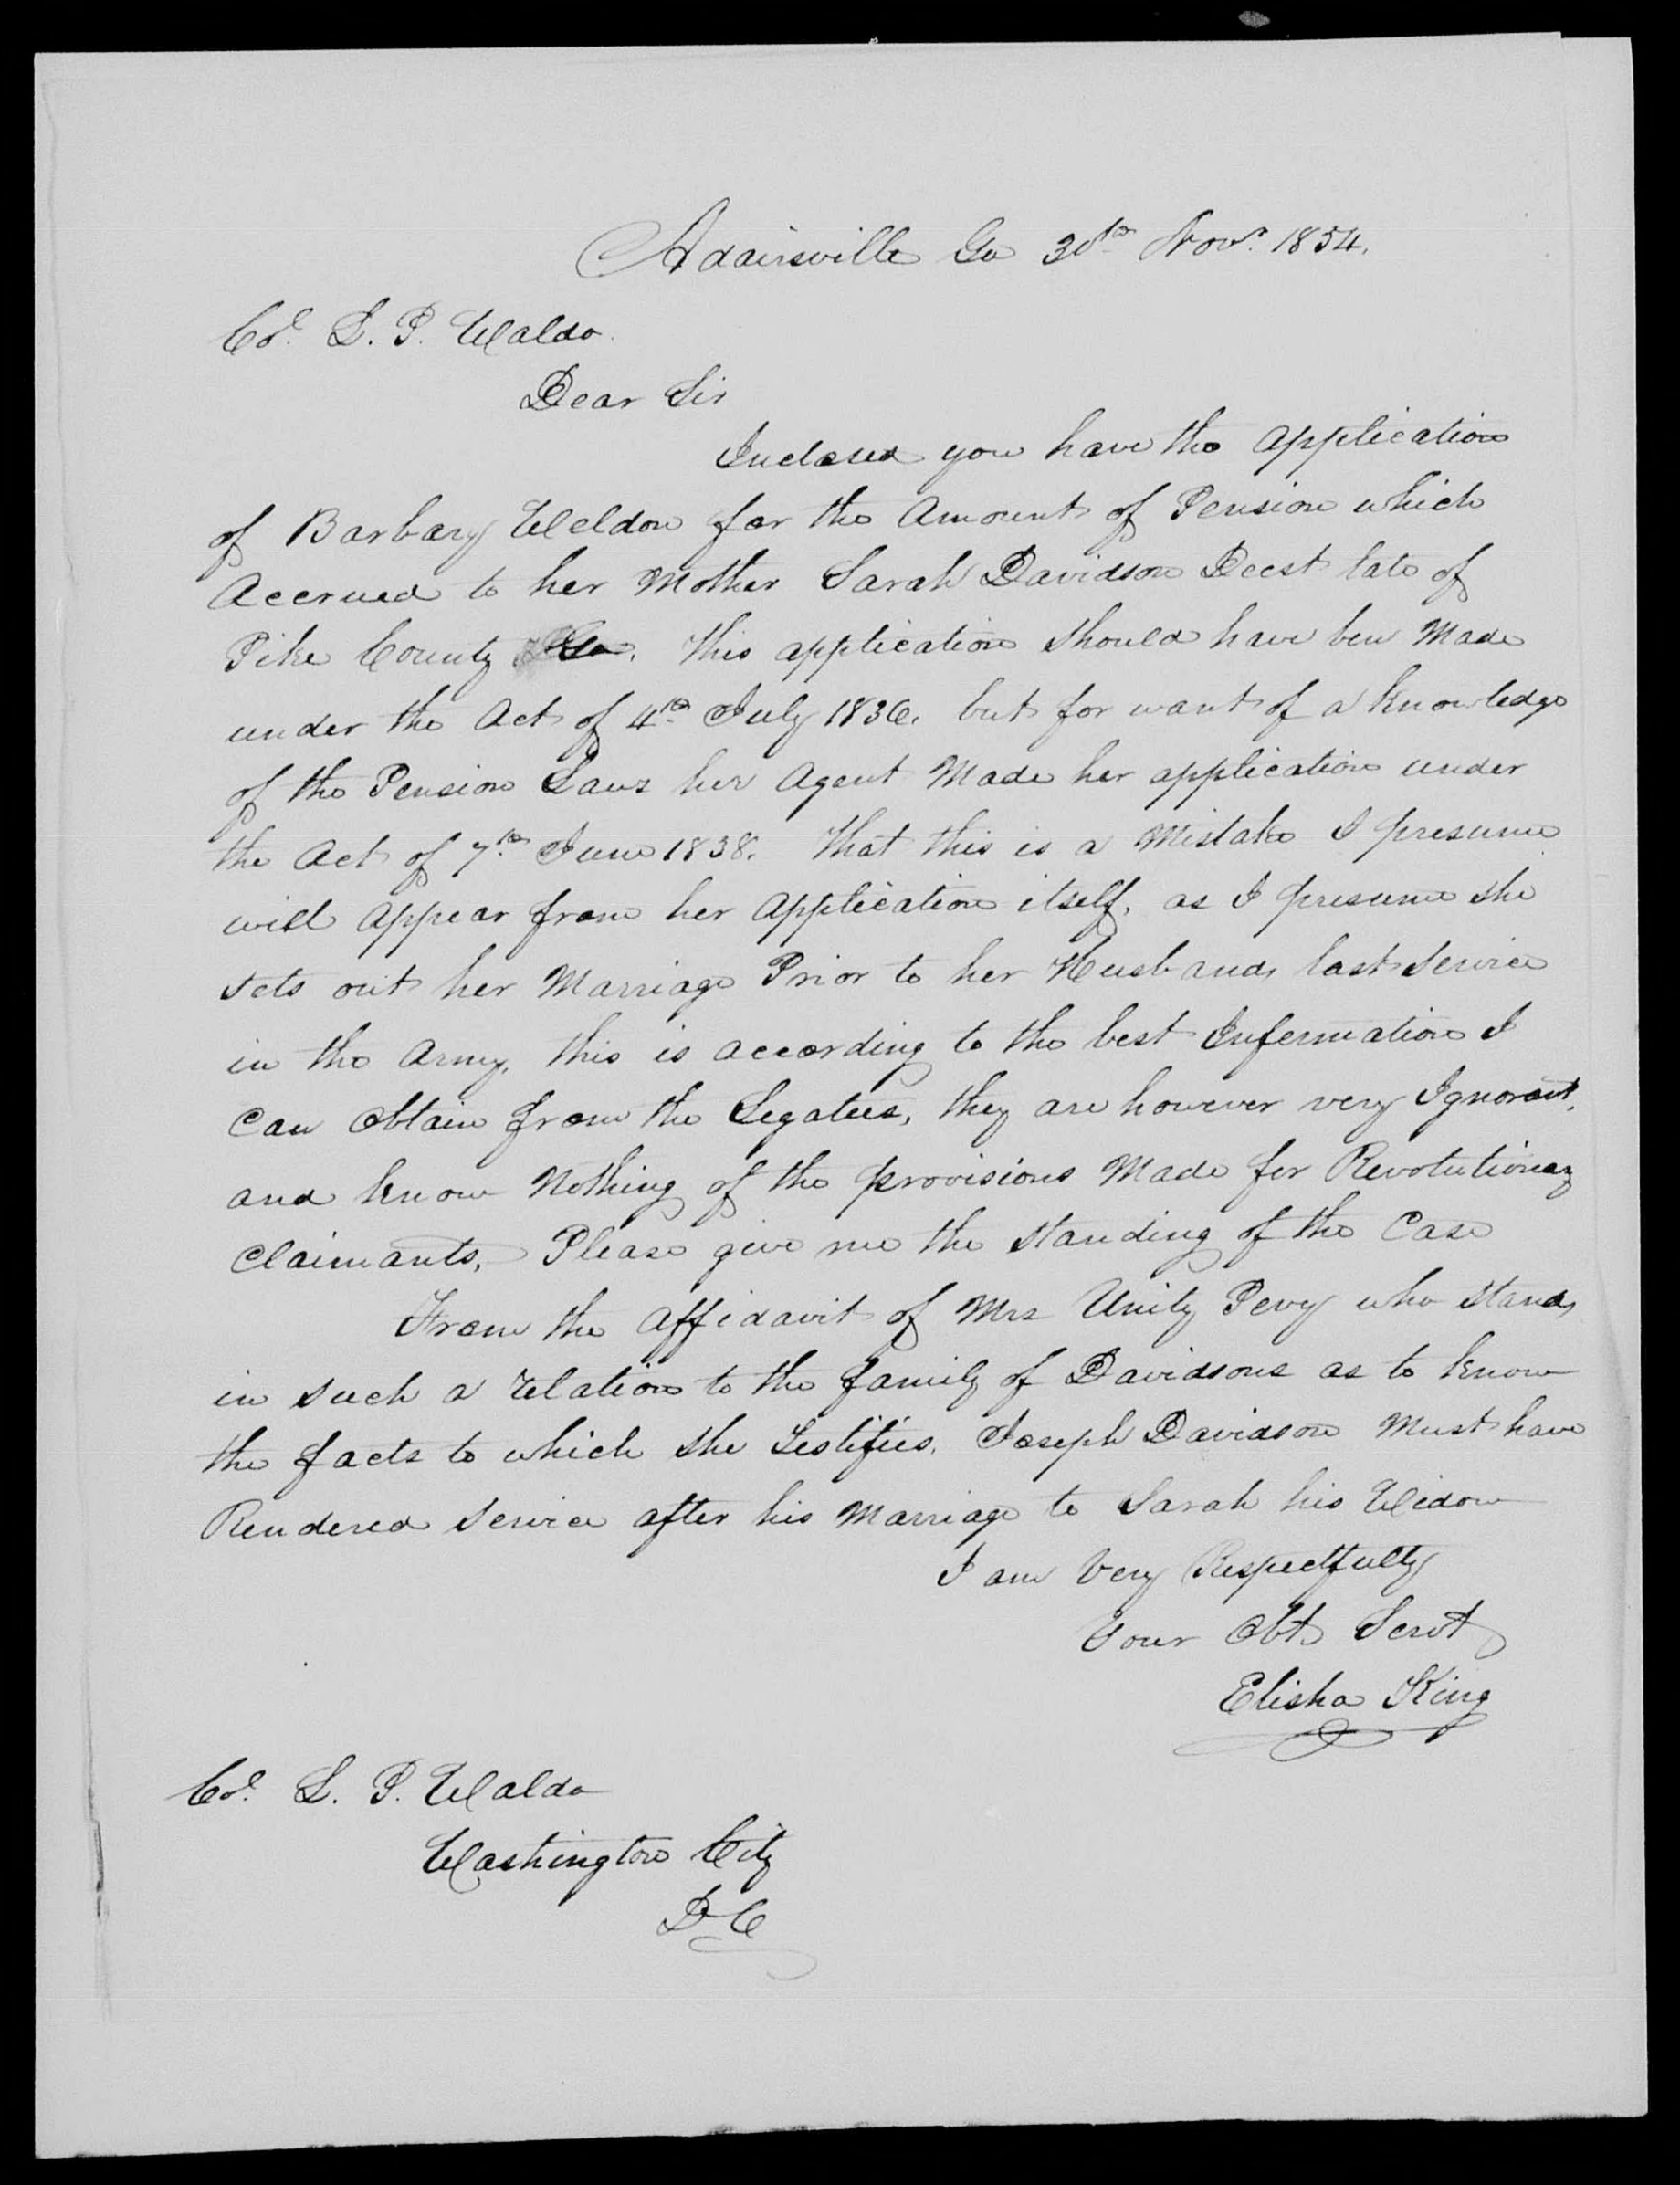Adairsville Ga 30th Nov 1854.
Col L. P. Waldo
Dear Sir
Enclosed you have the application of Barbary Weldon for the amount of Pension which accrued to her mother Sarah Davidson Deet late of Pike County. This application should have been made under the act of 4th July 1836, but for want of a knowledge of the Pension Laws her Agent made her application under the act of 7th June 1838. That this is a mistake I presence will appear from her application itself, as I presume She set out her Marriage prior to her Husbands last service in the Army, this is according to the best information I can obtain from the Legatees, they are however very ignorant and know nothing of the provisions made for Revolutionary claimants, Please give me the standing of the case
From the affidavit of Mrs Unity Pery who stands in such a relation to the family of Davidson as to know the facts to which she Testifies, Joseph Davidson must have & Rendered service after his marriage to Sarah his widow
I am Very Respectfully
Your Obt Servt
Elisha King
C. L. P. Waldo
Washington City
D C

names: Barbary Weldon, Davidson, Joseph Davidson, Elisha King, Sarah Davidson, Unity Pevy, L P Waldo, Sarah, L P Waldo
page: 32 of 63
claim: widow's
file: W. 4175, Joseph Davidson, N.C.